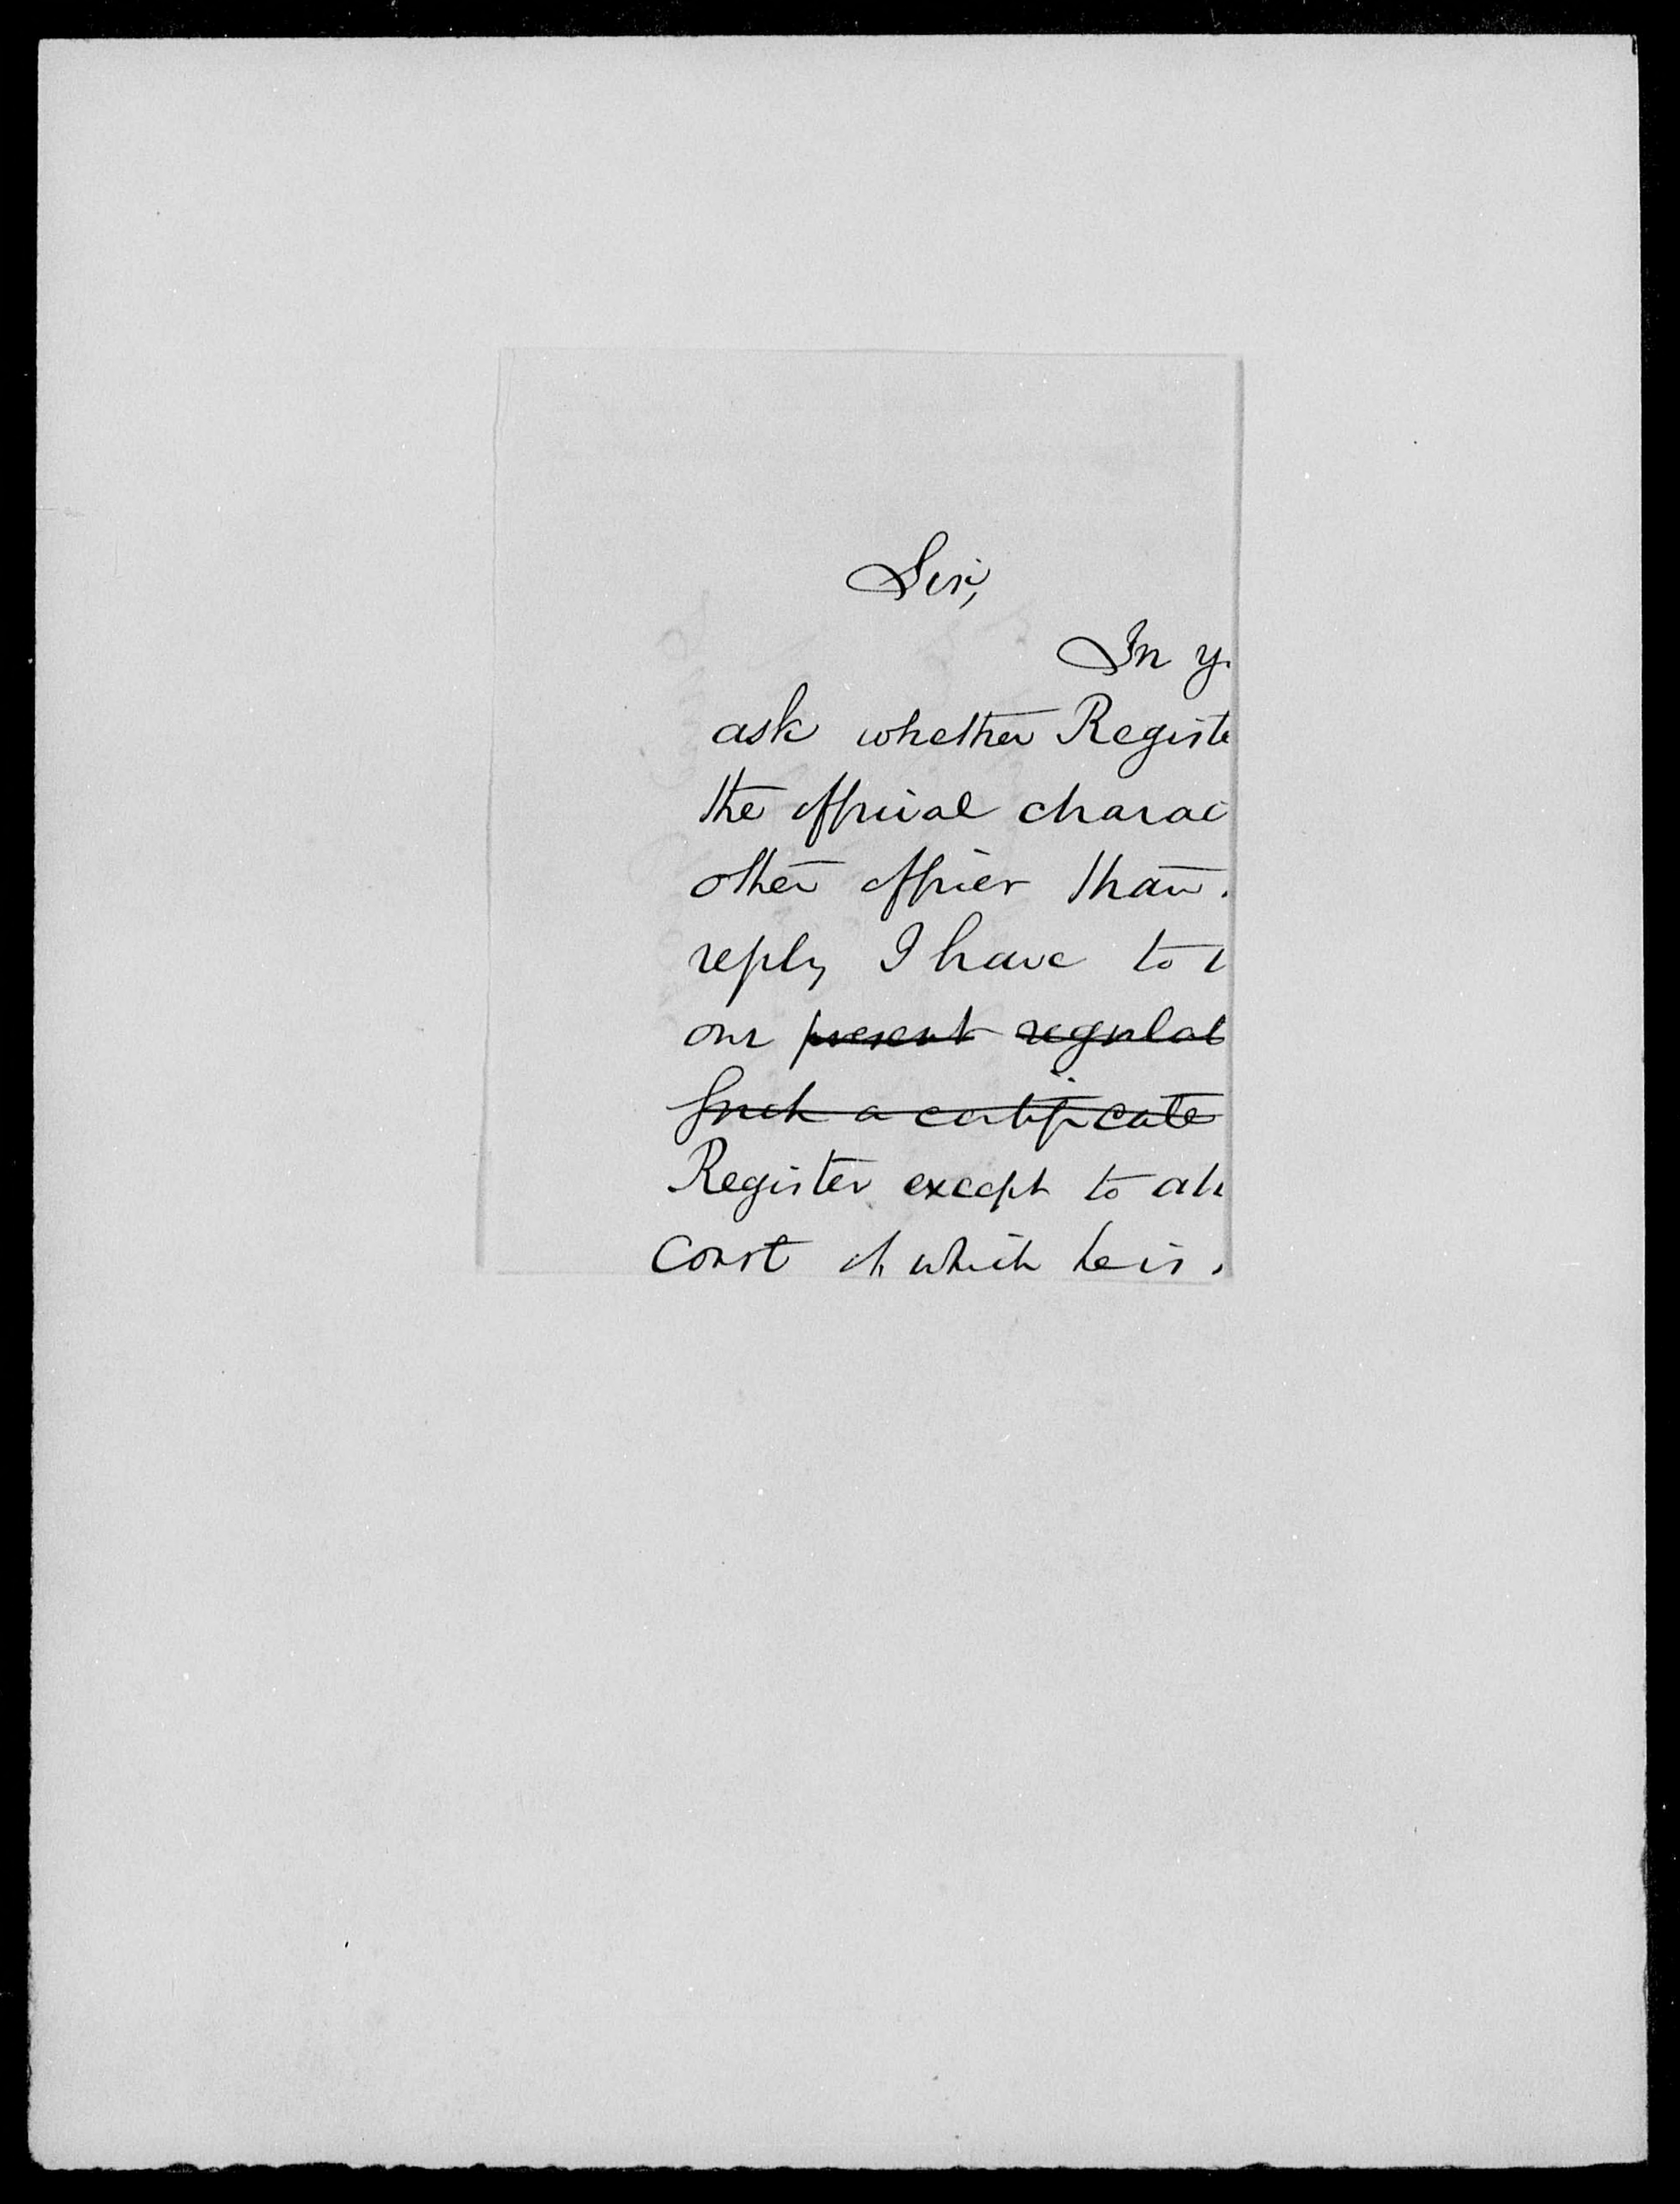(Note: Much of this document is missing) 

Sir, 
In y'
ask whether Regist
the official charac
other officer  than
reply I have to 
one (lined out) present regulat
(lined out) such a certificate
Register except to al
corst of which he is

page: 17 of 18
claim: survivor's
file: S. 39568, David George, N.H.